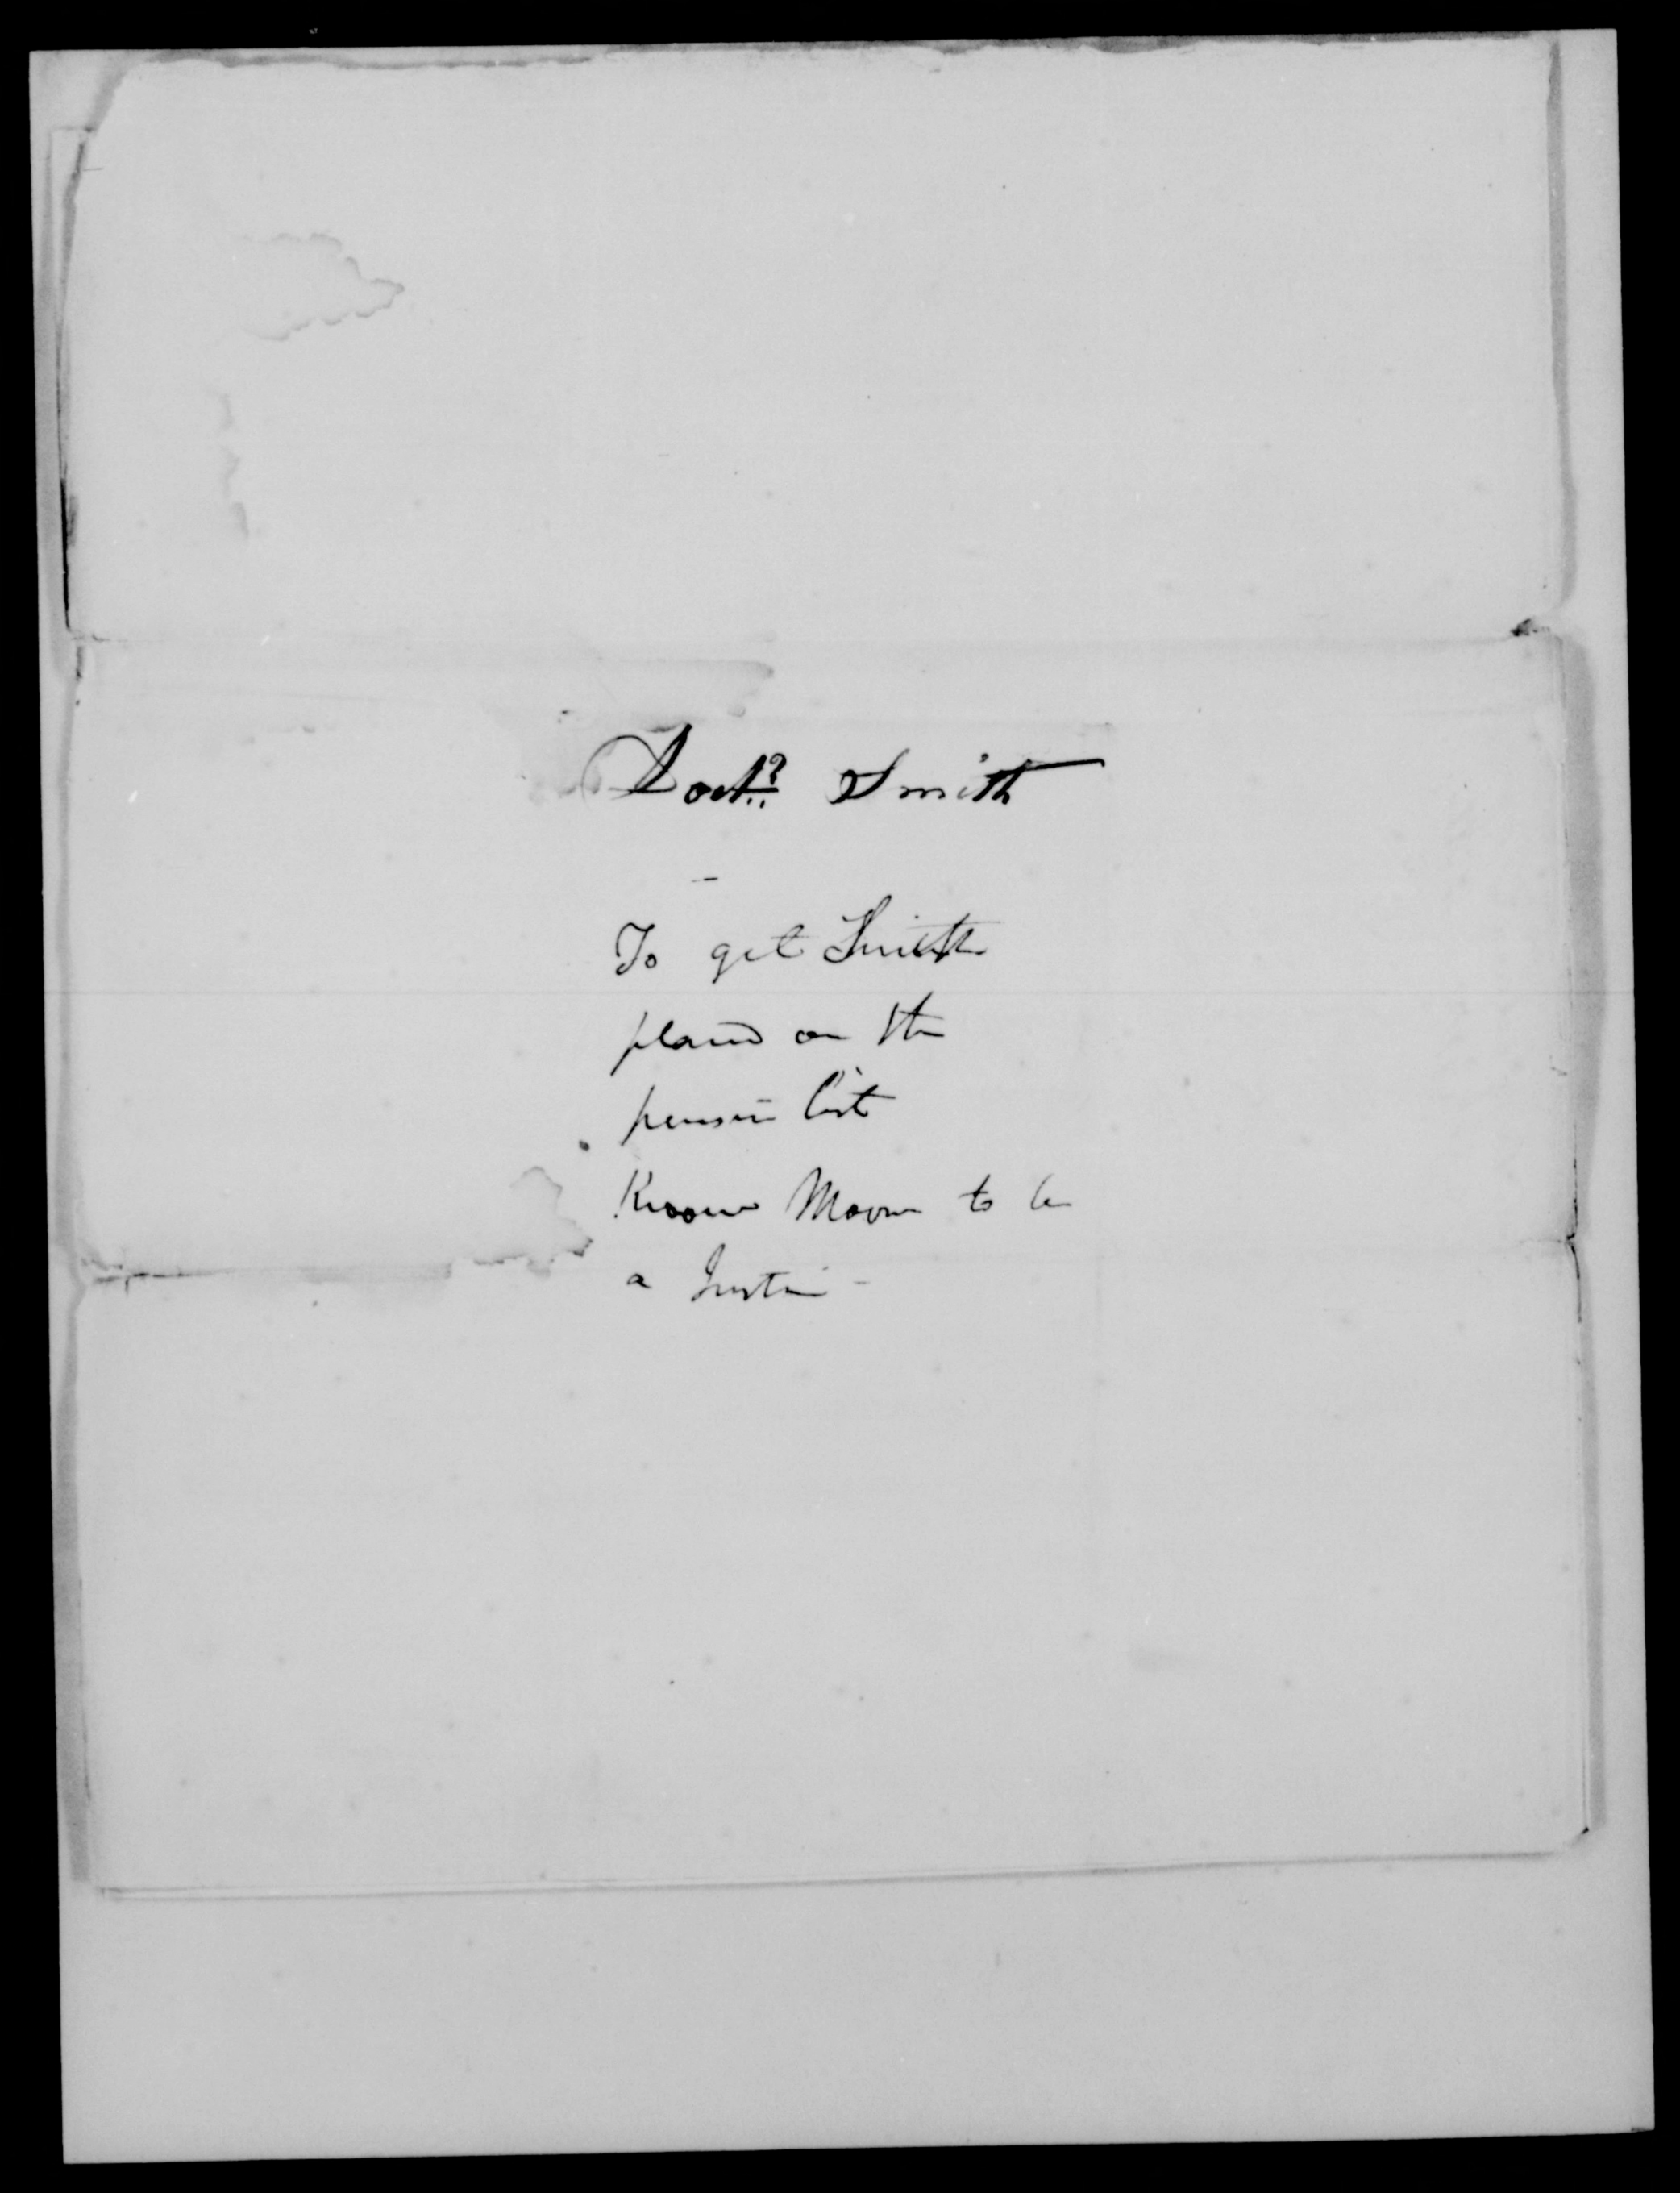Doct.? Smith To get Smith placed on the pension list Knows Moore to be a Justice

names: [BLANK] Moore; [BLANK] Smith; [BLANK] Smith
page: 46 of 66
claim: survivor's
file: S 40458, for Obadiah Smith, New York